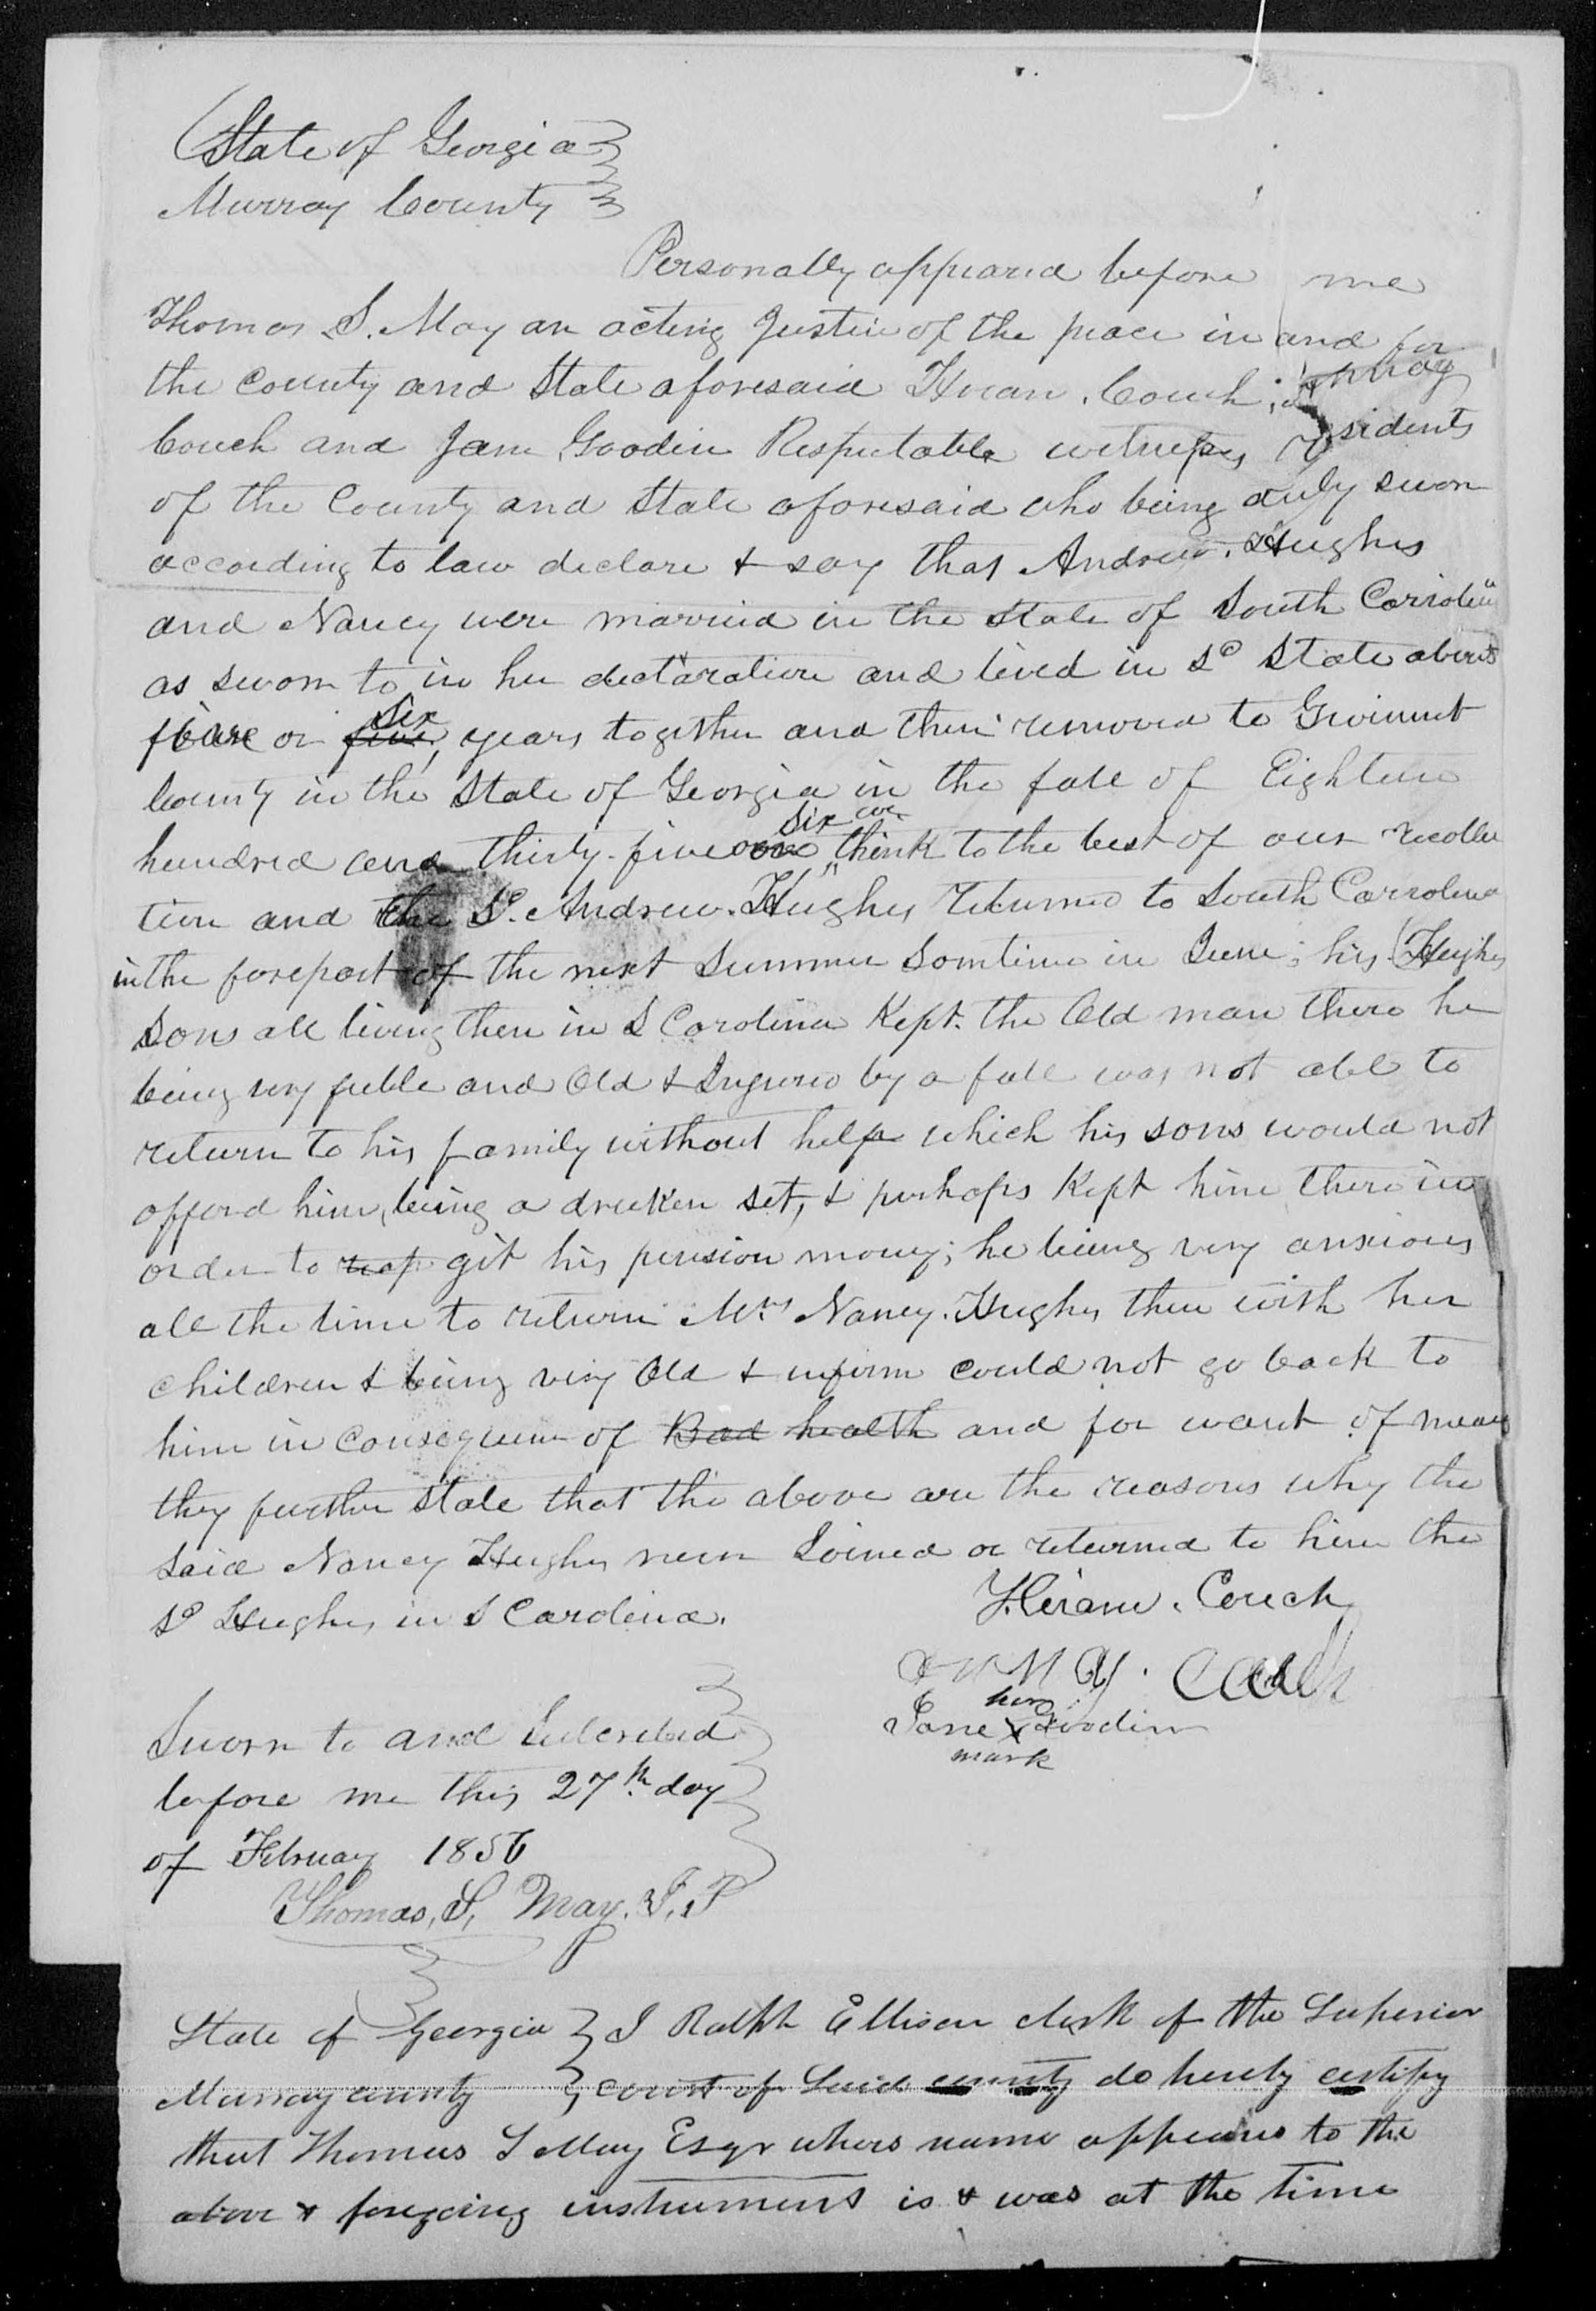State of Georgia
Murray County
Personally appeared before me
Thomas S. May an acting Justice of the peace in and for the County and State aforesaid Hiram Couch and Jane Goodin Respectable witnesses residents of the County and State aforesaid who being duly sworn
according to law declare & say that Andrew Hughes and Nancy were married in the State of South Carolina as sworn to in her declaration and lived in sd State about
five or six years together and then removed to Gwinnett County in the State of Georgia in the fall of Eighteen hundred and thirty five or six we think to the best of our recollection and that Andrew Hughes returned to South Carolina in the forepart of the next summer sometime in June, his (Hughes)
sons all living then in Carolina Kept the old man there he being my feeble and old & Injured by a fall was not able to
return to his family without help which his sons would not afford him, being a drunken set, & perhaps kept him therein
order to get his pension money; he being very anxious all the time to return Mrs Nancy Hughes, there with her children & being very old & infirm could not go back to
him in consequence of [bad health - struck out] and for want of means they further state that the above are the reasons why the
said Nancy Hughes never joined or returned to him the sd Hughes in Carolina
Hiram Couch [illegible signature] Jane Goodin her mark
Sworn to and subcribed
before me this
27th day
February 1856
Thomas, S. May. J.P.

State of Georgia 
Murray County  
 I Ralph Ellison clerk of the Superior Court of said county do hereby certify
that Thomas S. May Esqr who name appears to the above & foregoing instrument is & was at the time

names: Thomas S May, Hiram Couch, Andrew Hughes, Ralph Ellison, Jane Goodin, Nancy Hughes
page: 32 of 75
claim: widow's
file: W. 25805, Andrew Hughes, N.C.